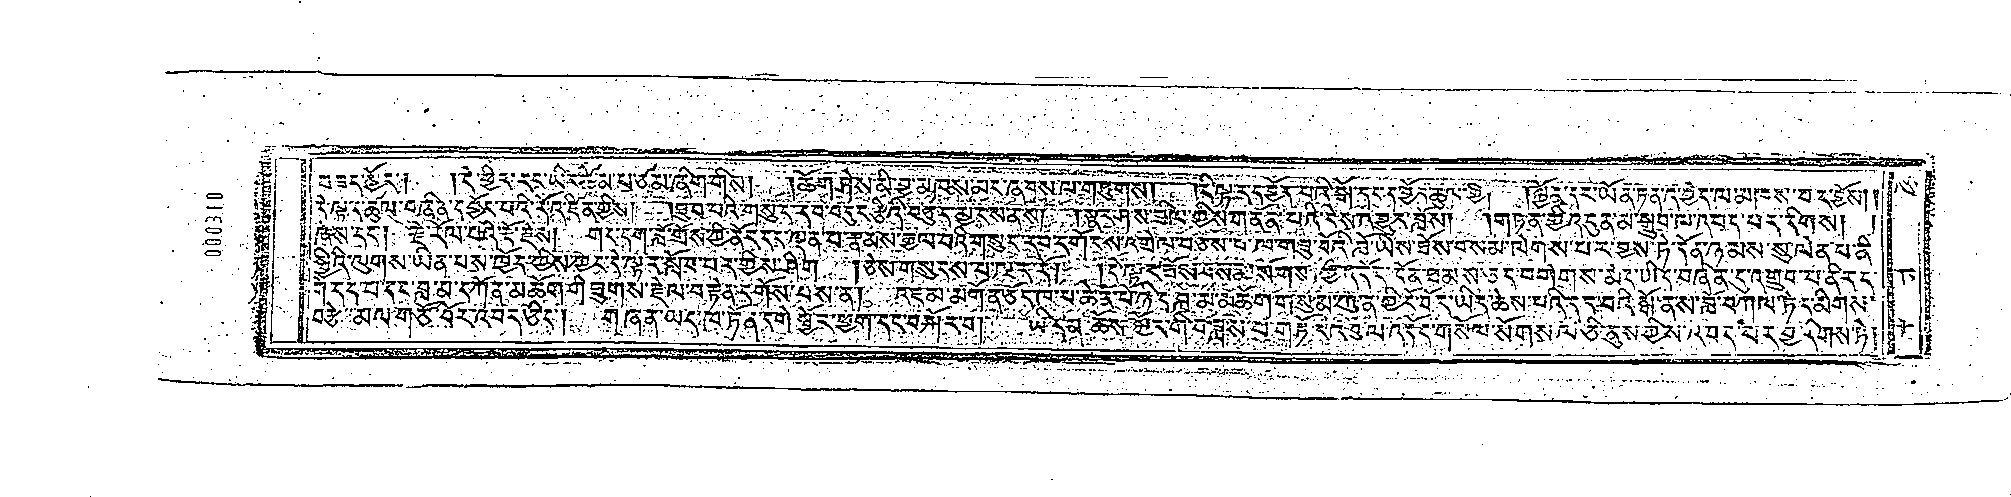བཟད་མྱོང་། །དེ་ཕྱིར་རང་ཡིད་ཚིམ་པ་ཙམ་ཞིག་གིས། །ཆོག་ཤེས་མི་བྱ་མཁས་མང་ཞབས་ལ་གཏུགས། །ཇི་ལྟར་དཔྱོད་པའི་སྒོ་དང་དཔྱོད་ཚུལ་གྱི། །སྐྱོན་དང་ཡོན་ཏན་འབྱེད་ལ་མཁས་པར་བྱོས། །
དེ་ལྟར་ཚུལ་བཞིན་དཔྱོད་པའི་རོ་འཛིན་གྱིས། །ཐུབ་པའི་གསུང་རབ་བདུད་རྩིའི་བཅུད་མྱངས་ནས། །སྣང་ཤས་ཟིལ་གྱིས་གནོན་པའི་དེས་འབྱུང་བློས། །གཏན་གྱི་འདུན་མ་སྒྲུབ་ལ་འབད་པར་རིགས། །
ཞེས་དང་། རྗེ་རོལ་པའི་རྡོ་རྗེས། གང་དག་བློ་གྲོས་ཀྱི་ནོར་དང་ལྡན་པ་རྣམས་རྒྱལ་བའི་གསུང་རབ་དགོངས་འགྲེལ་བཅས་པ་ལ་གཟུ་བོའི་བློ་ཡིས་ཐོས་བསམ་ལེགས་པར་བྱས་ཏེ་དོན་ཉམས་སུ་ལེན་པ་ནི་
སྦྱིའི་ལུགས་ཡིན་པས་ཁྱོད་ཀྱིས་ཀྱང་དེ་ལྟར་སློབ་པར་གྱིས་ཤིག །ཅེས་གསུངས་པ་ལྟར་རོ། །དེ་ལྟར་ཐོས་བསམ་སོགས་ཀྱི་འདོད་དོན་ཐམས་ཅད་བགེགས་མེད་ཡིད་བཞིན་དུ་འགྲུབ་པ་ནི་རང་
གི་དད་པ་དང་བླ་མ་དཀོན་མཆོག་གི་ཐུགས་རྗེ་ལ་བརྟེན་དགོས་པས་ན། འཇམ་མགོན་ཙོང་ཁ་པ་ཆེན་པོ་ཉིད་བླ་མ་མཆོག་གསུམ་ཀུན་གྱི་ངོ་བོར་ཡིད་ཆེས་པའི་དད་བའི་སྒོ་ནས་བློ་བཀལ་ཏེ་དམིགས་
བརྩེ་མ་ལ་གཙོ་བོར་འབད་ཅིང་། གཞན་ཡང་ཁ་ཏོན་དགེ་སྦྱོར་ཕྱག་དང་བསྐོར་བ། ཡི་དམ་ཆོས་སྐྱོང་གི་བཟླས་པ་གཏོར་འབུལ་འདོད་གསོལ་སོགས་ལ་ཅི་ནུས་ཀྱིས་འབང་པར་བྱ་རིགས་ཏེ།